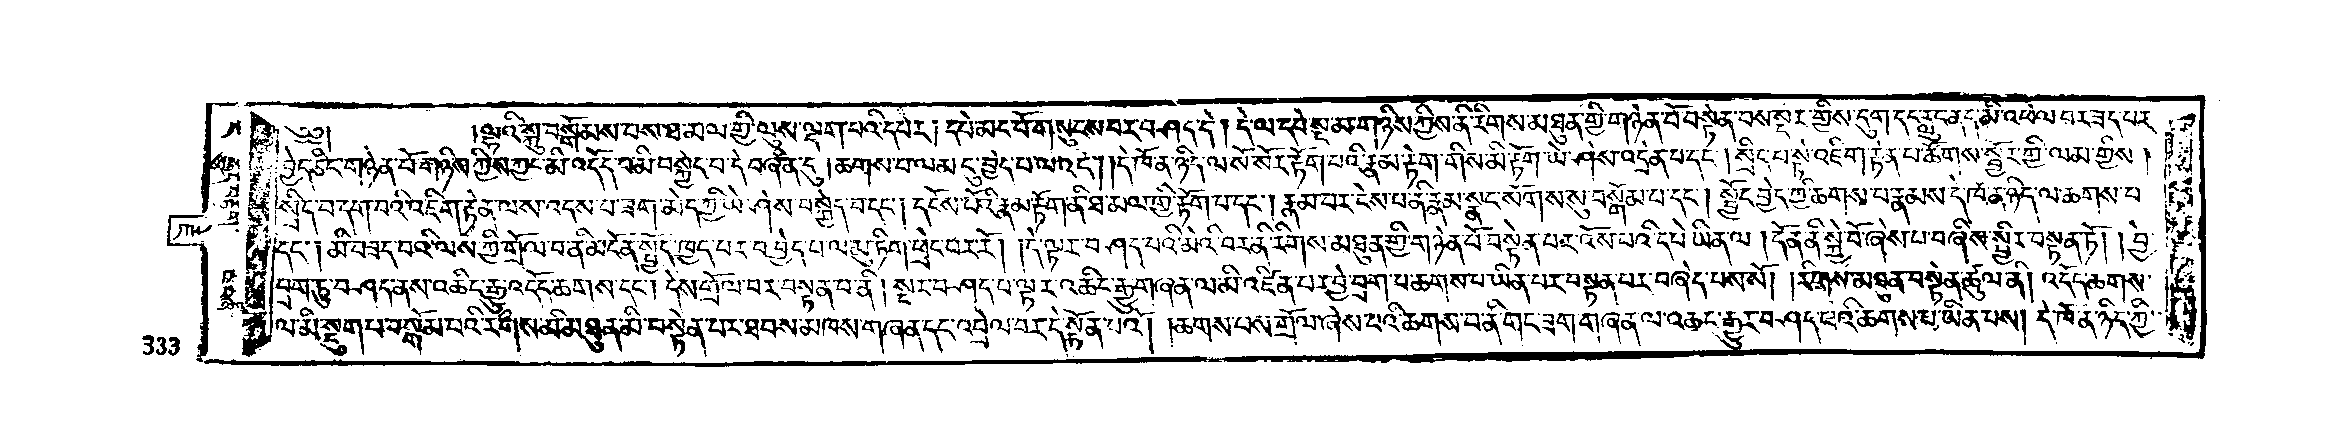༄༅། །ལྷའི་སྐུ་བསྒོམས་པས་ཐ་མལ་གྱི་ལུས་ལྡག་པའི་དཔེར། དཔེ་མང་པོ་གསུངས་པར་བཤད་དེ། དེ་ལ་དཔེ་སྔ་མ་གཉིས་ཀྱིས་ནི་རིགས་མཐུན་གྱི་གཉེན་པོ་བསྟེན་པས་སྔར་གྱིས་དུག་དང་རླུང་ནད་མི་འཕེལ་བར་ཟད་པར་
བྱེད་ཅིང་གཉེན་པོ་གཉིས་ཀྱིས་ཀྱང་མི་འདོད་པ་མི་བསྐྱེད་པ་དེ་བཞིན་དུ། ཆགས་པ་ལམ་དུ་བྱེད་པ་ལའང་། །དེ་ཁོ་ན་ཉིད་ལ་སོ་སོར་རྟོག་པའི་རྣམ་རྟོག་གིས་མི་རྟོག་ཡེ་ཤེས་འདྲེན་པ་དང་། སྲིད་པ་སྟེ་འཇིག་རྟེན་པ་ཚོགས་སྦྱོར་གྱི་ལམ་གྱིས།
སྲིད་པ་དག་པའི་འཇིག་རྟེན་ལས་འདས་པ་ཟག་མེད་ཀྱི་ཡེ་ཤེས་བསྐྱེད་པ་དང་། དངོས་པོའི་རྣམ་རྟོག་ནི་ཐ་མལ་གྱི་རྟོག་པ་དང་། རྣམ་པར་ངེས་པ་ནི་རྣམ་སྣང་སོགས་སུ་བསྒོམ་པ་དང་། སྦྱོང་བྱེད་ཀྱི་ཆགས་པ་རྣམས་དེ་ཁོ་ན་ཉིད་ལ་ཆགས་པ་
དང་། མི་བཟད་པའི་ལས་ཀྱི་གྲོལ་བ་ནི་མངོན་སྤྱོད་ཁྱད་པར་བ་བྱེད་པ་ལ་མུ་ཏིག་ཕྲེང་བར་རོ། །དེ་ལྟར་བཤད་པའི་མེའི་བར་ནི་རིགས་མཐུན་གྱི་གཉེན་པོ་བསྟེན་པར་འོས་པའི་དཔེ་ཡིན་ལ། དོན་ནི་སྐྱེ་བོ་ཞེས་པ་བཞིས་སྤྱིར་བསྟན་ཏོ། །བྱེ་
བྲག་ཏུ་བཤད་ནས་འཆིང་རྒྱུ་འདོད་ཆགས་དང་། དེས་གྲོལ་བར་བསྟན་པ་ནི། སྔར་བཤད་པ་ལྟར་འཆིང་རྒྱུ་གཞན་ལ་མི་འཛིན་པར་བྱེ་བྲག་པ་ཆགས་པ་ཡིན་པར་བསྟན་པར་བཞེད་པས་སོ། །རིགས་མཐུན་བསྟན་ཚུལ་ནི། འདོད་ཆགས་
ལ་མི་སྡུག་པ་བསྒོམ་པའི་རིགས་མི་མཐུན་མི་བསྟེན་པར་ཐབས་མཁས་གཞན་དང་འབྲེལ་བར་དེ་སྟོན་པའོ། །ཆགས་པས་གྲོལ་ཞེས་པའི་ཆགས་པ་ནི་གང་ཟག་གཞན་ལ་འཆང་རྒྱུར་བཤད་པའི་ཆགས་པ་ཡིན་པས། དེ་ཁོ་ན་ཉིད་ཀྱི་